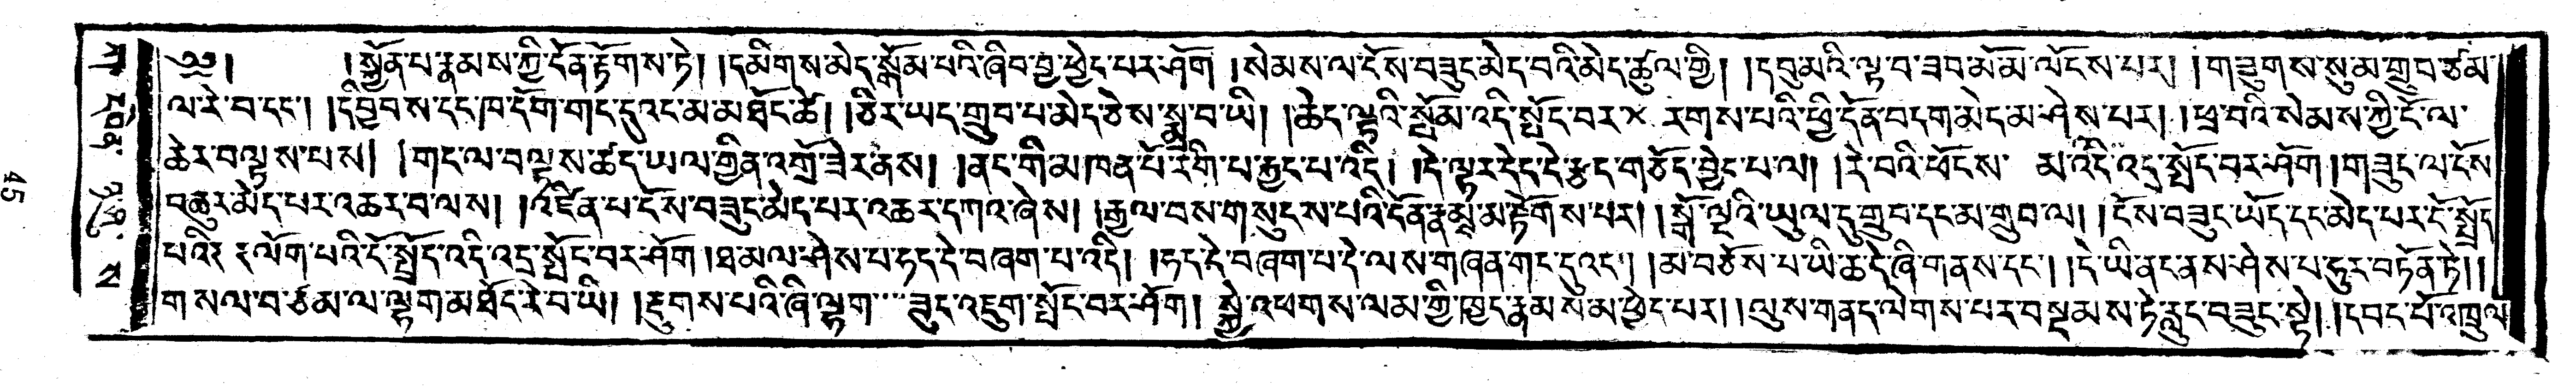༄༅། །སྐྱོན་པ་རྣམས་ཀྱི་དོན་རྟོགས་ཏེ། །དམིགས་མེད་སྒོམ་པའི་ཞིབ་བྱ་ཕྱེད་པར་ཤོག །སེམས་ལ་ངོས་བཟུང་མེད་བའི་མེད་ཚུལ་གྱི། །དབུ་མའི་ལྟ་བ་ཟབ་མོ་མ་ལོངས་པར། །གཟུགས་སུ་མ་གྲུབ་ཙམ་
ལ་རེ་བ་དང་། །དབྱིབས་དང་ཁ་དོག་གང་དུའང་མ་མཐོང་ཚེ། །ཅིར་ཡང་གྲུབ་པ་མེད་ཅེས་སྨྲ་བ་ཡི། །ཆེད་ལྟའི་སྤོམ་འདི་སྤོང་བར་྾་རགས་པའི་ཕྱི་དོན་བདག་མེད་མ་ཤེས་པར། །ཕྲ་བའི་སེམས་ཀྱི་ངོ་ལ་
ཆེར་བལྟས་པས། །གང་ལ་བལྟས་ཚད་ཡལ་གྱིན་འགྲོ་ཟེར་ནས། །ནང་གི་མཁན་པོ་རིག་པ་རྐྱང་པ་འདི། །དེ་ལྟར་དེང་དེ་རྩད་གཅོད་བྱེད་པ་ལ། །རེ་བའི་ཕོངས་མ་འདི་འདྲ་སྤོང་བར་ཤོག །གཟུང་ལ་ངོས་
བ་ཆུར་མེད་པར་འཆར་བ་ལས། །འཛིན་པ་ངོས་བཟུང་མེད་པར་འཆར་དཀའ་ཞེས། །རྒྱལ་བས་གསུངས་པའི་དོན་རྣམས་མ་རྟོགས་པར། །སྒོ་ལྔའི་ཡུལ་དུ་གྲུབ་དང་མ་གྲུབ་ལ། །ངོས་བཟུང་ཡོད་དང་མེད་པར་ངོ་སྤྲོད་
པའི༑ ༑ལོག་པའི་ངོ་སྤྲོད་འདི་འདྲ་སྤོང་བར་ཤོག །ཐ་མལ་ཤེས་པ་ཧད་དེ་བཞག་པ་འདི། །ཧད་དེ་བཞག་པ་དེ་ལས་གཞན་གང་དུའང་། །མ་བཅོས་པ་ཡི་ཆ་དེ་ཞི་གནས་དང་། །དེ་ཡི་ནང་ནས་ཤེས་པ་ཧུར་བཏོན་ཏེ།།
གསལ་བ་ཙམ་ལ་ལྷག་མཐོང་རེ་བ་ཡི། །རྡུགས་པའི་ཞི་ལྷག་ཟུང་འཇུག་སྤོང་བར་ཤོག། སྐྱེ་འཕགས་ལམ་གྱི་ཁྱད་རྣམས་མ་ཕྱེད་པར། །ལུས་གནད་ལེགས་པར་བསྡམས་ཏེ་རླུང་བཟུང་སྟེ། །དབང་པོ་འཁྲུལ་